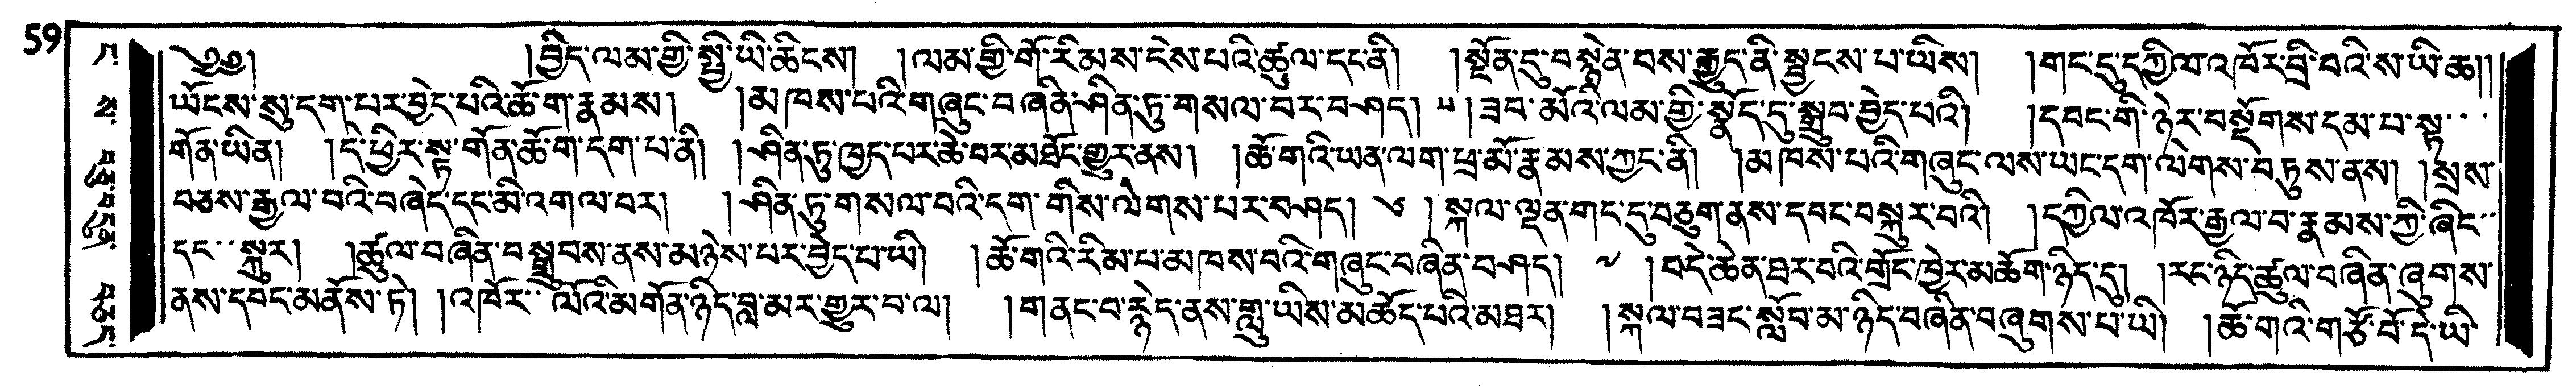༄༅། །བྱིད་ལམ་གྱི་སྤྱི་ཡི་ཆིངས། །ལམ་གྱི་གོ་རིམས་ངེས་པའི་ཚུལ་དང་ནི། །སྔོན་དུ་བསྙེན་བས་རྒྱུད་ནི་སྦྱངས་པ་ཡིས། །གང་དུ་དཀྱིལ་འཁོར་བྲི་བའི་ས་ཡི་ཆ།།
ཡོངས་སུ་དག་པར་བྱེད་པའི་ཆོ་ག་རྣམས། །མཁས་པའི་གཞུང་བཞིན་ཤིན་ཏུ་གསལ་བར་བཤད། ༥་།ཟབ་མོའི་ལམ་གྱི་སྣོད་དུ་སྒྲུབ་བྱེད་པའི། །དབང་གི་ཉེར་བསྡོགས་དམ་པ་སྟ་
གོན་ཡིན། །དེ་ཕྱིར་སྟ་གོན་ཆོ་ག་དག་པ་ནི། །ཤིན་ཏུ་ཁྱད་པར་ཆེ་བར་མཐོང་གྱུར་ནས། །ཆོ་གའི་ཡན་ལག་ཕྲ་མོ་རྣམས་ཀྱང་ནི། །མཁས་པའི་གཞུང་ལས་ཡང་དག་ལེགས་བཏུས་ནས། །སྲས་
བཅས་རྒྱལ་བའི་བཞེད་དང་མི་འགལ་བར། །ཤིན་ཏུ་གསལ་བའི་དག་གིས་ལེགས་པར་བཤད། ༦་།སྐལ་ལྡན་གང་དུ་བཅུག་ནས་དབང་བསྐུར་བའི། །དཀྱིལ་འཁོར་རྒྱལ་བ་རྣམས་ཀྱི་ཞིང་
དང་སྐུར། །ཚུལ་བཞིན་བསྒྲུབས་ནས་མཉེས་པར་བྱེད་པ་ཡི། །ཆོ་གའི་རིམ་པ་མཁས་བའི་གཞུང་བཞིན་བཤད། ༧་།བདེ་ཆེན་ཐར་བའི་གྲོང་ཁྱེར་མཆོག་ཉིད་དུ། །རང་ཉིད་ཚུལ་བཞིན་ཞུགས་
ནས་དབང་མནོས་ཏེ། །འཁོར་ལོའི་མགོན་ཉིད་བླ་མར་གྱུར་བ་ལ། །གནང་བ་རྙེད་ནས་གླུ་ཡིས་མཆོད་པའི་མཐར། །སྐལ་བཟང་སློབ་མ་ཉིད་བཞིན་བཞུགས་པ་ཡི། །ཆོ་གའི་གཙོ་བོ་དེ་ཡི་